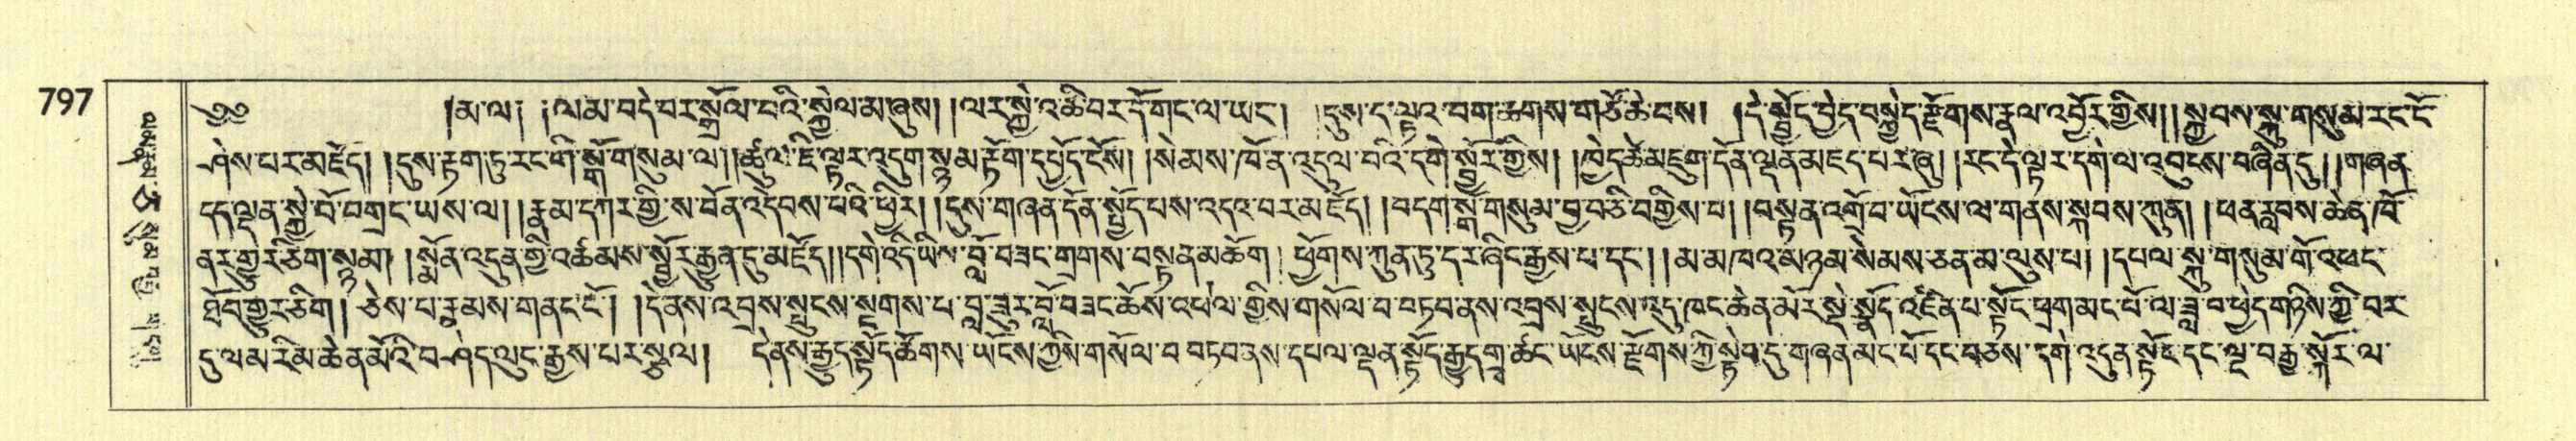༄༅། །མ་ལ༑ ༑ལམ་བདེ་བར་སྒྲོལ་བའི་སྐྱེལ་མ་ཞུས། །ལར་སྐྱེ་འཆི་བར་དོ་གང་ལ་ཡང་། །དུས་ད་ལྟའི་བག་ཆགས་གཙོ་ཆེ་བས། །དེ་སྤྱོད་བྱེད་བསྐྱེད་རྫོགས་རྣལ་འབྱོར་གྱིས། །སྐྱབས་སྐུ་གསུམ་རང་ངོ་
ཤེས་པར་མཛོད། །དུས་རྟག་ཏུ་རང་གི་སྒོམ་གསུམ་ལ། །ཚུལ་ཇི་ལྟར་འདུག་སྙམ་རྟོག་དཔྱོད་ངོས། །སེམས་ཁོ་ན་འདུལ་བའི་དགེ་སྦྱོར་གྱིས། །ཁྱེད་ཚེ་མཇུག་དོན་ལྡན་མཛད་པར་ཞུ། །རང་དེ་ལྟར་དགེ་ལ་འབུངས་བཞིན་དུ། །གཞན་
དང་ལྡན་སྐྱེ་བོ་བགྲང་ཡས་ལ། །རྣམ་དཀར་གྱི་ས་བོན་འདེབས་པའི་ཕྱིར། །དུས་གཞན་དོན་སྤྱོད་པས་འདའ་བར་མཛོད། །བདག་སྒོ་གསུམ་བྱ་བ་ཅི་བགྱིས་པ། །བསྟན་འགྲོ་བ་ཡོངས་ལ་གནས་སྐབས་ཀུན། །ཕན་རླབས་ཆེན་ཁོ་
ནར་གྱུར་ཅིག་སྙམ། །སྨོན་འདུན་གྱི་འཚམས་སྦྱོར་རྒྱུན་དུ་མཛོད། །དགེ་འདི་ཡིས་བློ་བཟང་གྲགས་བསྟན་མཆོག །ཕྱོགས་ཀུན་ཏུ་དར་ཞིང་རྒྱས་པ་དང་། །མ་མཁའ་མཉམ་སེམས་ཅན་མ་ལུས་པ། །དཔལ་སྐུ་གསུམ་གོ་འཕང་
ཐོབ་གྱུར་ཅིག། ཅེས་པ་རྣམས་གནང་ངོ། །དེ་ནས་འབྲས་སྤུངས་སྔགས་པ་བླ་ཟུར་བློ་བཟང་ཆོས་འཕེལ་གྱིས་གསོལ་བ་བཏབ་ནས་འབྲས་སྤུངས་འདུ་ཁང་ཆེན་མོར་སྡེ་སྣོད་འཛིན་པ་སྟོང་ཕྲག་མང་པོ་ལ་ཟླ་བ་ཕྱེད་གཉིས་ཀྱི་བར་
དུ་ལམ་རིམ་ཆེན་མོའི་བཤེད་ལུང་རྒྱས་པར་སྩལ། དེ་ནས་རྒྱུད་སྟོད་ཚོགས་ཡོངས་ཀྱིས་གསོལ་བ་བཏབ་ནས་དཔལ་ལྡན་སྟོད་རྒྱུད་གྲྭ་ཚང་ཡོངས་རྫོགས་ཀྱི་སྟེབ་དུ་གཞན་མང་པོ་དང་བཅས་དགེ་འདུན་སྟོང་དང་ལྔ་བརྒྱ་སྐོར་ལ་